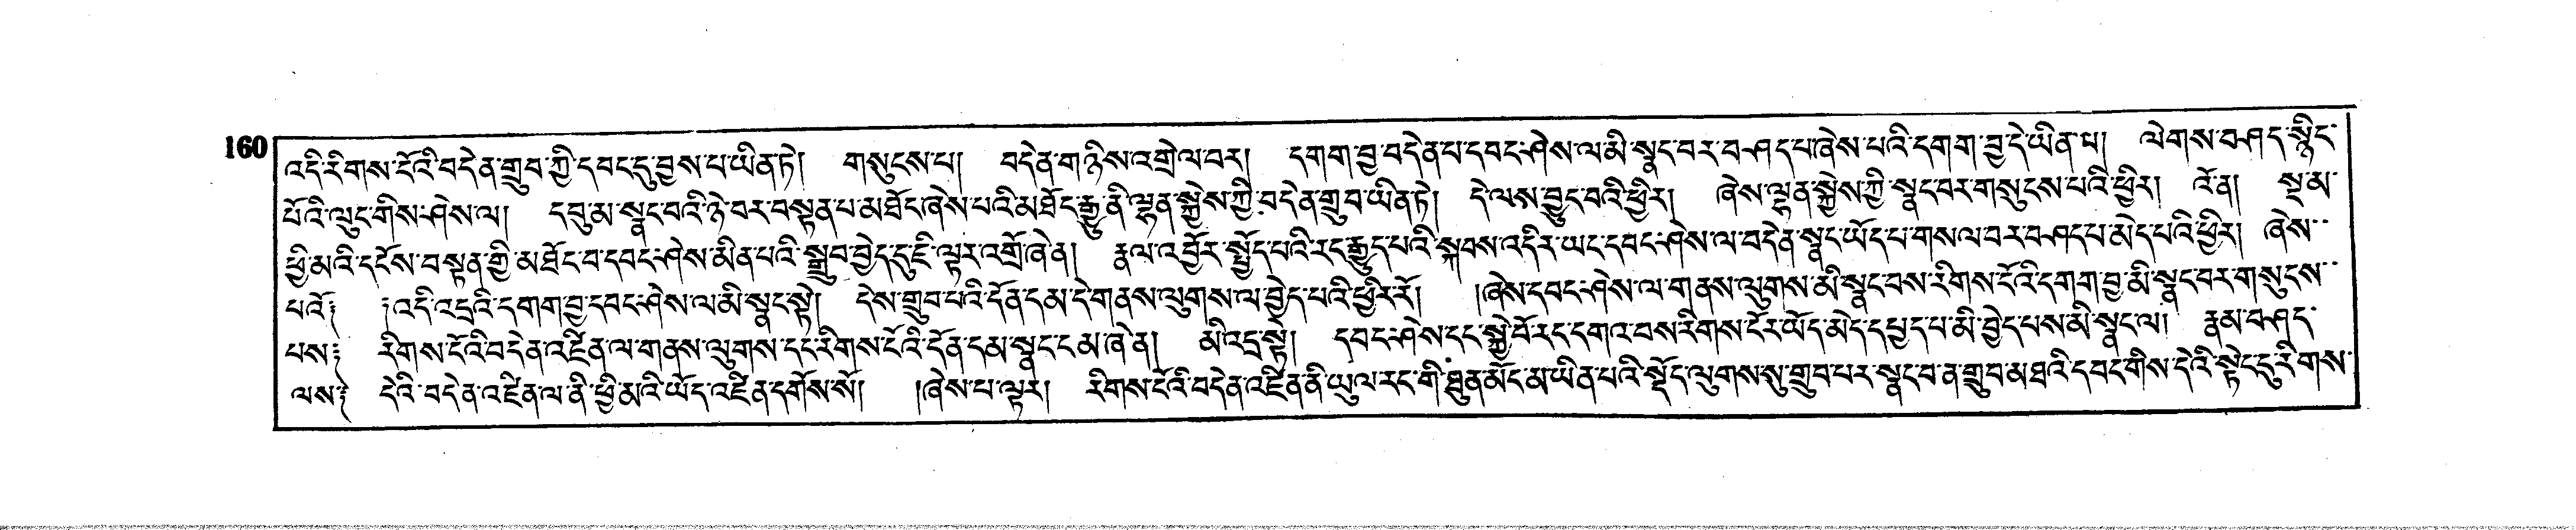འདི་རིགས་ངོའི་བདེན་གྲུབ་ཀྱི་དབང་དུ་བྱས་པ་ཡིན་ཏེ། གསུངས་པ། བདེན་གཉིས་འགྲེལ་བར། དགག་བྱ་བདེན་པ་དབང་ཤེས་ལ་མི་སྣང་བར་བཤད་པ་ཞེས་པའི་དགག་བྱ་དེ་ཡིན་པ། ལེགས་བཤད་སྙིང་
པོའི་ལུང་གིས་ཤེས་ལ། དབུ་མ་སྣང་བའི་ཉེ་བར་བསྟན་པ་མཐོང་ཞེས་པའི་མཐོང་རྒྱུ་ནི་ལྷན་སྐྱེས་ཀྱི་བདེན་གྲུབ་ཡིན་ཏེ། དེ་ལས་བྱུང་བའི་ཕྱིར། ཞེས་ལྷན་སྐྱེས་ཀྱི་སྣང་བར་གསུངས་པའི་ཕྱིར། འོ་ན། སྔ་མ་
ཕྱི་མའི་དངོས་བསྟན་གྱི་མཐོང་བ་དབང་ཤེས་མིན་པའི་སྒྲུབ་བྱེད་དུ་ཇི་ལྟར་འགྲོ་ཞེ་ན། རྣལ་འབྱོར་སྤྱོད་པའི་རང་རྒྱུད་པའི་སྐབས་འདིར་ཡང་དབང་ཤེས་ལ་བདེན་སྣང་ཡོད་པ་གསལ་བར་བཤད་པ་མེད་པའི་ཕྱིར། ཞེས་
པའོ། །འདི་འདྲའི་དགག་བྱ་དབང་ཤེས་ལ་མི་སྣང་སྟེ། དེས་གྲུབ་པའི་དོན་དམ་དེ་གནས་ལུགས་ལ་བྱེད་པའི་ཕྱིར་རོ། །ཞེས་དབང་ཤེས་ལ་གནས་ལུགས་མི་སྣང་བས་རིགས་ངོའི་དགག་བྱ་མི་སྣང་བར་གསུངས་
པས། རིགས་ངོའི་བདེན་འཛིན་ལ་གནས་ལུགས་དང་རིགས་ངོའི་དོན་དམ་སྣང་ངམ་ཞེ་ན། མི་འདྲ་སྟེ། དབང་ཤེས་དང་སྐྱེ་བོ་རང་དགའ་བས་རིགས་ངོར་ཡོད་མེད་དཔྱད་པ་མི་བྱེད་པས་མི་སྣང་ལ། རྣམ་བཤད་
ལས། དེའི་བདེན་འཛིན་ལ་ནི་ཕྱི་མའི་ཡོད་འཛིན་དགོས་སོ། །ཞེས་པ་ལྟར། རིགས་ངོའི་བདེན་འཛིན་ནི་ཡུལ་རང་གི་ཐུན་མོང་མ་ཡིན་པའི་སྡོད་ལུགས་སུ་གྲུབ་པར་སྣང་བ་ན་གྲུབ་མཐའི་དབང་གིས་དེའི་སྟེང་དུ་རིགས་